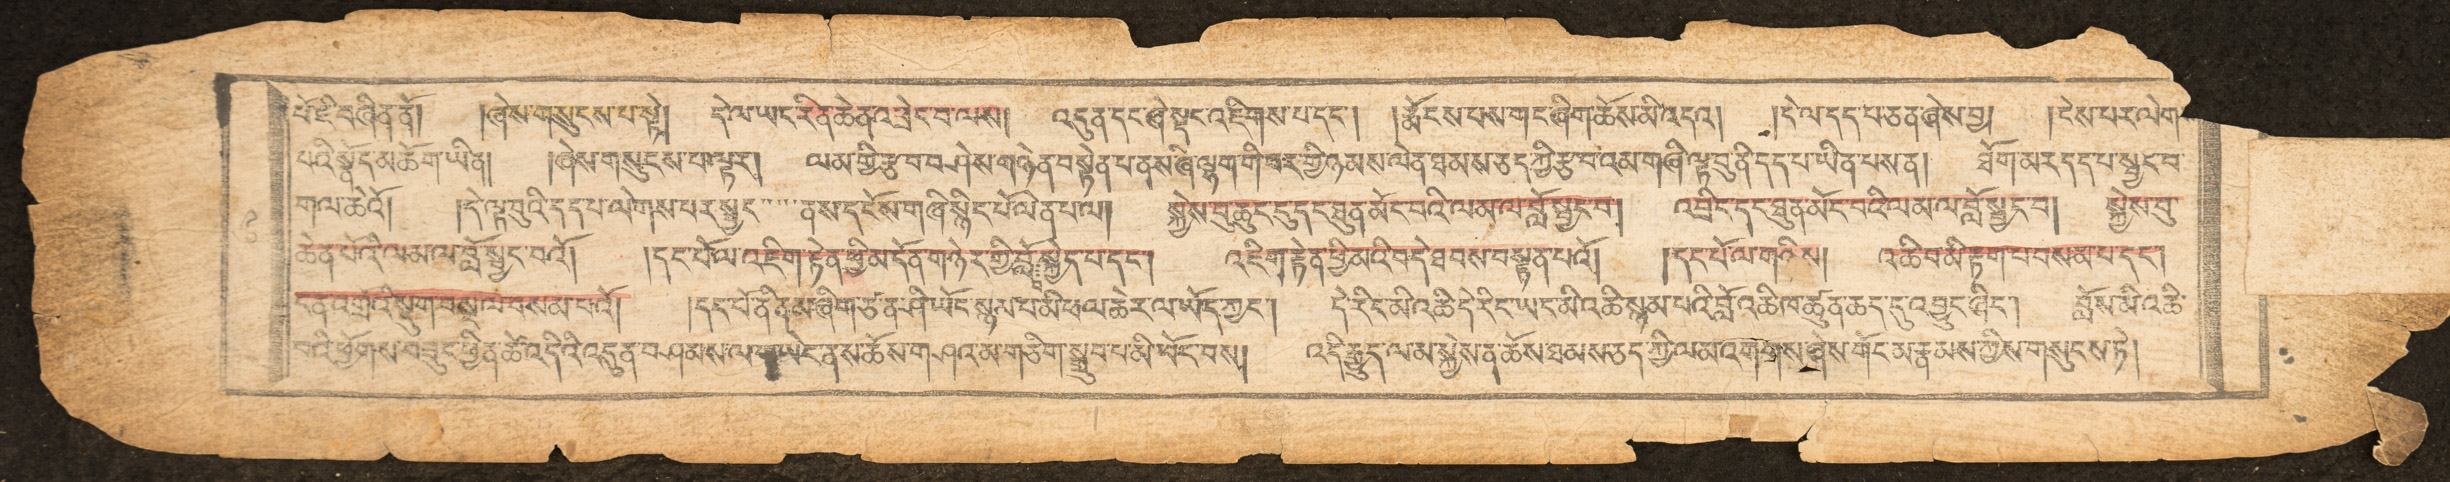པོ་ཇི་བཞིན་ནོ། །ཞེས་གསུངས་པ་སྟེ། དེ་ལ་ཡང་རིན་ཆེན་འཕྲེང་བ་ལས། འདུན་དང་ཞེ་སྡང་འཇིགས་པ་དང་། །རྨོངས་བས?་གང་ཞིག་ཆོས་མི་འདའ། །དེ་ལ་དད་པ་ཅན་ཞེས་བྱ། །ངེས་པར་ལེགས་
པའི་སྣོད་མཆོག་ཡིན། །ཞེས་གསུངས་པ་ལྟར། ལམ་གྱི་རྩ་བ་བཤེས་གཉེན་བསྟེན་པ་ནས་ཞི་ལྷག་གི་བར་གྱི་ཉམས་ལེན་ཐམས་ཅད་ཀྱི་རྩ་བའམ་གཞི་ལྟ་བུ་ནི་དད་པ་ཡིན་པས་ན། ཐོག་མར་དད་པ་སྦྱང་པ་
གལ་ཆེའོ། །དེ་ལྟ་བུའི་དད་པ་ལེགས་པར་སྦྱང་ནས་དངོས་གཞི་སྙིང་པོ་ལེན་པ་ལ། སྐྱེས་བུ་ཆུང་དུ་དང་ཐུན་མོང་བའི་ལམ་ལ་བློ་སྦྱང་བ། འབྲིང་དང་ཐུན་མོང་བའི་ལམ་ལ་བློ་སྦྱང་བ། སྐྱེས་བུ་
ཆེན་པོའི་ལམ་ལ་བློ་སྦྱང་བའོ། །དང་པོ་ལ་འཇིག་རྟེན་ཕྱི་མ་དོན་གཉེར་གྱི་བློ་བསྐྱེད་པ་དང་། འཇིག་རྟེན་ཕྱི་མའི་བདེ་ཐབས་བསྟན་པའོ། །དང་པོ་ལ་གཉིས། འཆི་བ་མི་རྟག་པ་བསམ་པ་དང་།
ངན་འགྲོའི་སྡུག་བསྔལ་བསམ་པའོ། །དང་པོ་ནི་ནམ་ཞིག་ཙ་ན་ཤི་ཡོང་སྙམ་པ་མི་ཕལ་ཆེར་ལ་ཡོད་ཀྱང་། དེ་རིང་མི་འཆི་དེ་རིང་ཡང་མི་འཆི་སྙམ་པའི་བློ་འཆི་ཁ་ཚུན་ཆད་དུ་འབྱུང་ཞིང་། བློས་མི་འཆི་
བའི་ཕྱོགས་བཟུང་ཕྱིན་ཚེ་འདིའི་འདུན་བཤམས་ལ་གཡེང་ནས་ཆོས་གཤའ?་མ་གཅིག་སྒྲུབ་པ་མི་ཡོང་བས། འདི་རྒྱུད་ལམ་སྐྱེས་མཆོས་ཐམས་ཅད་ཀྱི་ལམ་འགགས་ཞེས་གོང་མ་རྣམས་ཀྱིས་གསུངས་ཏེ།